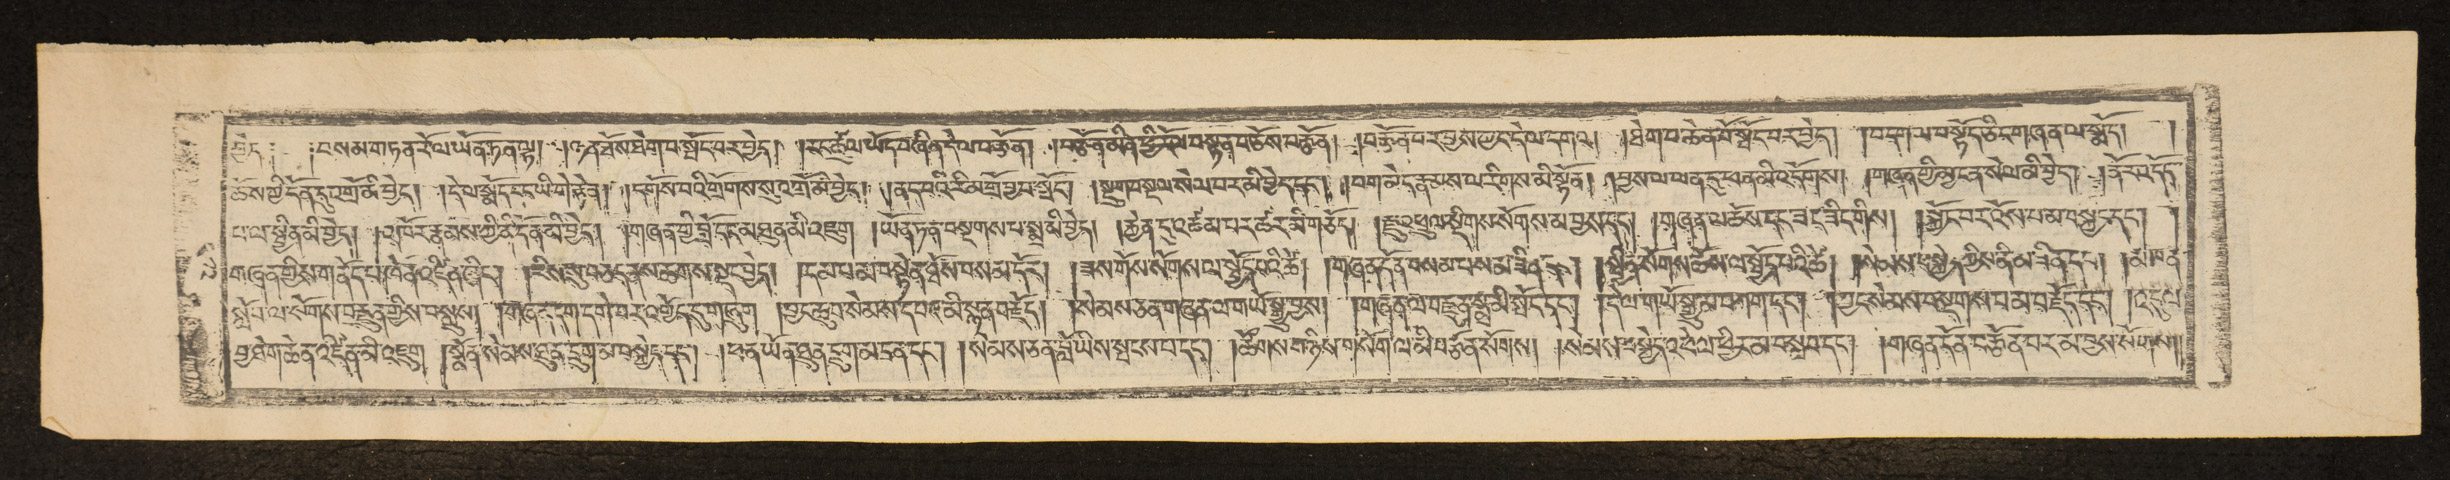བྱེད༑ ༑བསམ་གཏན་རོལ་ཡོན་ཏན་ལྟ། །ཉན་ཐོས་ཐེག་པ་སྤོང་བར་བྱེད། །རང་ཚུལ་ཡོད་བཞིན་དེ་ལ་བརྩོན། །བརྩོན་མིན་ཕྱི་རོལ་བསྟན་བཅོས་བརྩོན། །བརྩོན་བར་བྱས་ཀྱང་དེ་ལ་དགའ། །ཐེག་པ་ཆེན་པོ་སྤོང་བར་བྱེད། །བདག་ལ་བསྟོད་ཅིང་གཞན་ལ་སྨོད། །
ཆོས་ཀྱི་དོན་དུ་འགྲོ་མི་བྱེད། །དེ་ལ་སྨོད་དང་ཡི་གེ་རྟེན། །དགོས་པའི་གྲོགས་སུ་འགྲོ་མི་བྱེད། །ནད་པའི་རིམ་གྲོ་བྱ་བ་སྤོང་། །སྡུག་བསྔལ་སེལ་བར་མི་བྱེད་དང་། །བག་མེད་རྣམས་ལ་རིགས་མི་སྟོན། །བྱས་ལ་ལན་དུ་ཕན་མི་འདོགས། །གཞན་གྱི་མྱ་ངན་སེལ་མི་བྱེད། །ནོར་འདོད་
པ་ལ་སྦྱིན་མི་བྱེད། །འཁོར་རྣམས་ཀྱི་ནི་དོན་མི་བྱེད། །གཞན་གྱི་བློ་དང་མཐུན་མི་འཇུག །ཡོན་ཏན་བསྔགས་པ་སྨྲ་མི་བྱེད། །རྐྱེན་དུ་འཚམ་པར་ཚར་མི་གཅོད། །རྫུ་འཕྲུལ་སྡིགས་སོགས་མ་བྱས་དང་། །གཞན་ལ་ཆོས་དང་ཟང་ཟིང་གིས། །སྐྱོང་བར་འོས་པ་མ་བསྐྱང་དང་། །
གཞན་གྱིས་གནོད་པ་ཁོ་ན་འཛིན་ཞིང་། །རིས་སུ་བཅད་ནས་ཆགས་སྡང་བྱེད། །དམ་པ་མ་བསྟེན་ཐོས་བསམ་དོར། །ཟས་གོས་སོགས་ལ་སྤྱོད་པའི་ཚེ། །གཞན་དོན་བསམ་པས་མ་ཟིན་དང་། །སྦྱིན་སོགས་ཆོས་ལ་སྤྱོད་པའི་ཚེ། །སེམས་བསྐྱེད་ཀྱིས་ནི་མ་ཟིན་དང་། །མཁན་
སློབ་ལ་སོགས་བརྫུན་གྱིས་བསླུས། །གཞན་དག་དགེ་བར་འདོད་དུ་གཞུག །བྱང་ཆུབ་སེམས་དབང་མི་སྙན་བརྗོད། །སེམས་ཅན་གཞན་ལ་གཡོ་སྒྱུ་བྱས། །གཞན་ལ་བརྫུན་སྨྲ་མི་སྤོང་དང་། །དེ་ལ་གཡོ་སྒྱུ་མ་བཀག་དང་། །བྱང་སེམས་བསྔགས་པ་མ་བརྗོད་དང་། །འདུལ་
བྱ་ཐེག་ཆེན་འཛིན་མི་འཇུག །སྨོན་སེམས་ཐུན་དྲུག་མ་བསྐྱེད་དང་། །ཕན་ཡོན་ཐུན་དྲུག་མ་དྲན་དང་། །སེམས་ཅན་བློ་ཡིས་སྤངས་པ་དང་། །ཚོགས་གཉིས་གསོག་ལ་མི་བརྩོན་སོགས། །སེམས་བསྐྱེད་འཕེལ་ཕྱིར་མ་བསླབ་དང་། །གཞན་དོན་བརྩོན་པར་མ་བྱས་སོགས།